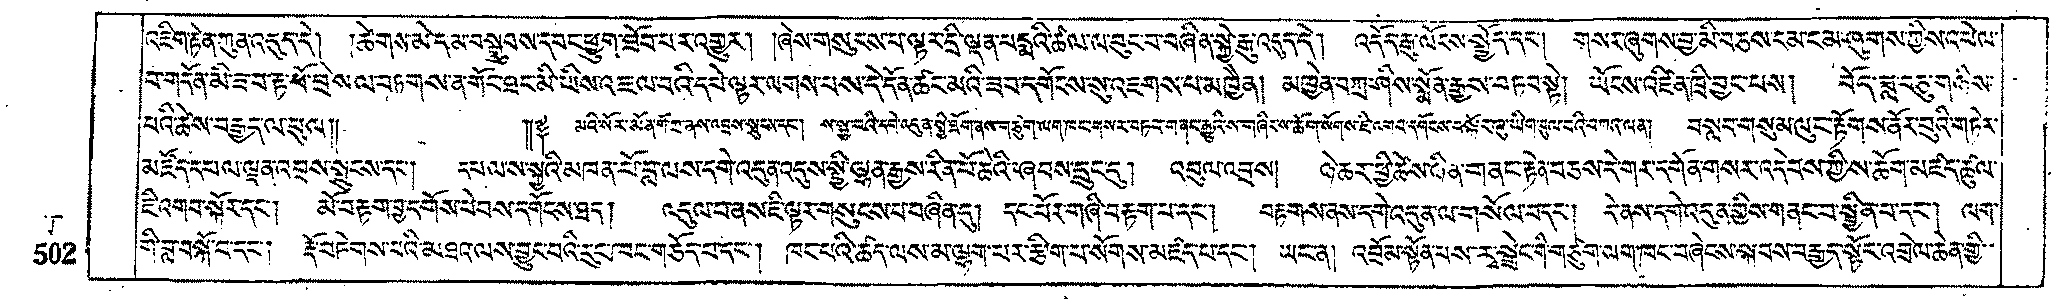འཇིག་རྟེན་ཀུན་འདུད་དེ། །ཚེགས་མེད་མ་བསྒྲུབས་དབང་ཕྱུག་ཐོབ་པར་འགྱུར། །ཞེས་གསུངས་པ་ལྟར་དྲི་ལྡན་པདམའི་ཚལ་ལ་བུང་བ་བཞིན་སྐྱེ་རྒུ་འདུད་དེ། འདོད་རྒུ་ལོངས་སྤྱོད་དང་། གསར་ཞུགས་བྱ་མི་བཅས་ངམ་ངམ་ཤུགས་ཀྱིས་འཕེལ་
བ་གདོན་མི་ཟ་བ་རྟ་ཕོ་བྲེས་ལ་བཏགས་ན་གོང་ཐང་མི་ཡིས་འཇལ་བའི་དཔེ་ལྟར་ལགས་པས་དེ་དོན་ཚང་མའི་ཟབ་དགོངས་སུ་འཇགས་པ་མཁྱཻན། མཁྱེན་བཀྲ་ཤིས་སྨོན་རྒྱས་བཏབ་སྟེ། ཡོངས་འཛིན་ཁྲི་བྱང་པས། བོད་ཟླ་བཅུ་གཉིས་
པའི་ཚེས་བརྒྱད་ལ་ཕུལ།། །།འ་མའི་སོར་མོན་གོ་ཀྲ་ནས་འབྲས་སྦུངས་དང་། ས་སྐྱ་བའི་དགེ་འདུན་སྤྱི་ཐོག་ནས་གཙུག་ལག་ཁང་གསར་བཏབ་གནང་རྒྱུའི་ས་གཞིར་ས་ཆོག་སོགས་ཇི་འགབ་དགོངས་བསྐོར་ཞུ་ཡིག་ཕུལ་བའི་བཀའ་ལན།  བསླབ་གསུམ་ལུང་རྟོགས་ནོར་བུའི་གཏེར་
མཛོད་དཔལ་ལྡན་འབྲས་སྤུངས་དང་། དཔལ་ས་སྐྱའི་མཁན་པོ་བླ་ལས་དགེ་འདུན་འདུས་སྤྱི་ལྷན་རྒྱས་རིན་པོ་ཆེའི ༧ཞབས་དྲུང་དུ། འབུལ་འབྲས། ཉེ་ཆར་ཕྱི་ཚེས་ཉིན་གནང་རྟེན་བཅས་དེ་གར་དགོན་གསར་འདེབས་ཀྱི་ས་ཆོག་མཛད་ཚུལ་
ཇི་འགབ་སྐོར་དང་། མོ་བརྟག་བྱ་དགོས་ཕེབས་དགོངས་ཐད། འདུལ་བ་ནས་ཇི་ལྟར་གསུངས་པ་བཞིན་དུ། དང་པོར་གཞི་བརྟག་པ་དང་། བརྟགས་ནས་དགེ་འདུན་ལ་གསོལ་བ་དང་། དེ་ནས་དགེ་འདུན་གྱིས་གནང་བ་སྦྱིན་པ་དང་། ལག་
གི་བླ་བསྐོ་བ་དང་། རྡོ་བཏེགས་པའི་མཐའ་ལས་བྱུང་བའི་རུང་ཁང་གཅོད་པ་དང་། ཁང་པའི་ཚད་ལས་མ་ལྷག་པར་རྩིག་པ་སོགས་མཛད་པ་དང་། ཡང་ན། འབྲོམ་སྟོན་པས་རྭ་སྒྲེང་གི་གཙུག་ལག་ཁང་བཞེངས་སྐབས་བརྒྱད་སྟོང་འགྲེལ་ཆེན་གྱི་་་